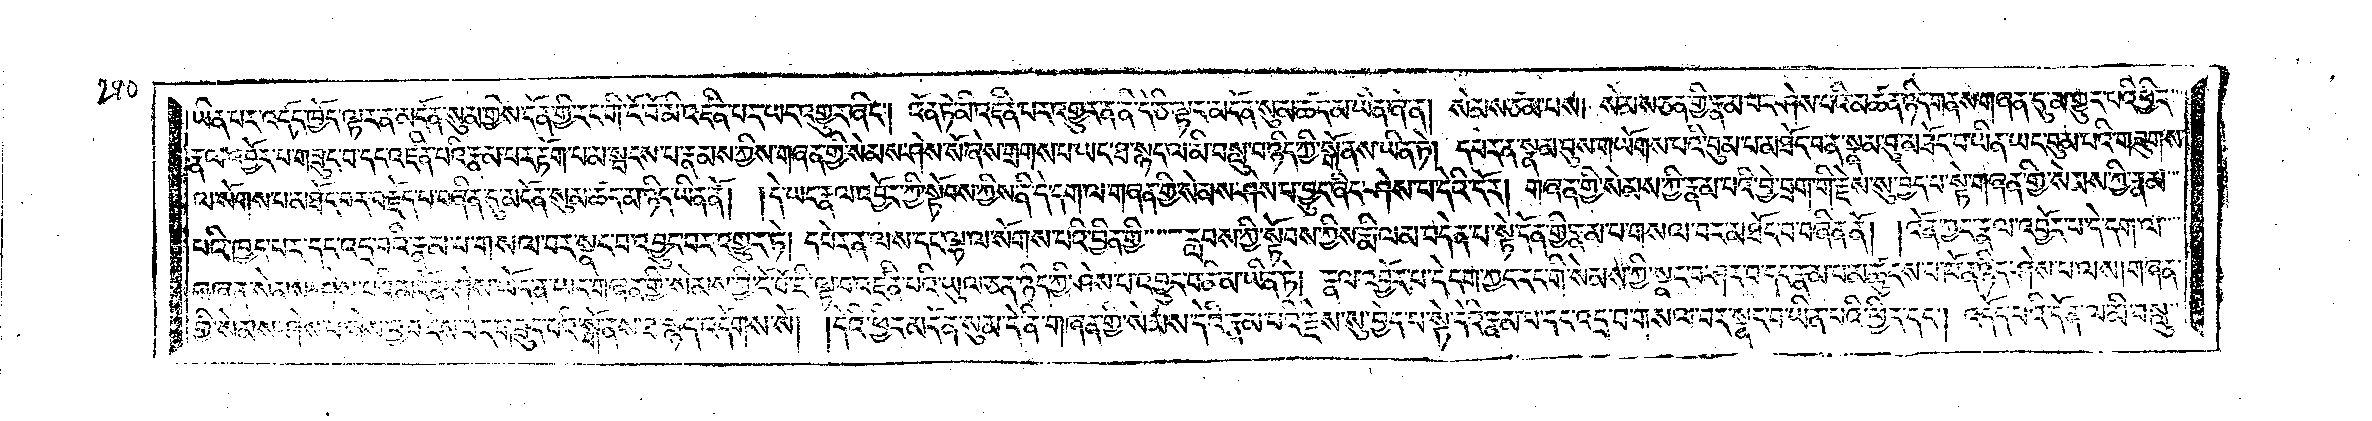ཡིན་པར་འདོད་ཁྱོད་ལྟར་ན་མངོན་སུམ་གྱིས་དོན་གྱི་རང་གི་ངོ་བོ་མི་འཛིན་པར་ཡང་འགྱུར་ཞིང་། འོན་ཏེ་མི་འཛིན་པར་འགྱུར་ན་ནི་དེ་ཅི་ལྟར་མངོན་སུམ་ཚད་མ་ཡིན་ཞེ་ན། སེམས་ཙམ་པས། སེམས་ཅན་གྱི་རྣམ་པར་ཤེས་པའི་མཚན་ཉིད་གནས་གཞན་དུ་མ་གྱུར་པའི་ཕྱིར་
རྣལ་འབྱོར་པ་གཟུང་བ་དང་འཛིན་པའི་རྣམ་པར་རྟོག་པ་མ་སྤངས་པ་རྣམས་ཀྱིས་གཞན་གྱི་སེམས་ཤེས་སོ་ཞེས་གྲགས་པ་ཡང་ཐ་སྙད་ལ་མི་བསླུ་བ་ཉིད་ཀྱི་སྒོ་ནས་ཡིན་ཏེ། དཔེར་ན་སྣམ་བུས་གཡོགས་པའི་བུམ་པ་མཐོང་བ་ན་སྣམ་བུ་མཐོང་བ་ཡིན་ཡང་བུམ་པའི་གཟུགས་
ལ་སོགས་པ་མཐོང་བར་བརྗོད་པ་བཞིན་དུ་མངོན་སུམ་ཚད་མ་ཉིད་ཡིན་ནོ། །དེ་ཡང་རྣལ་འབྱོར་ཀྱི་སྟོབས་ཀྱིས་ནི་དེ་དག་ལ་གཞན་གྱི་སེམས་ཤེས་པ་བྱུང་ཞིང་ཤེས་པ་དེའི་དོར། གཞན་གྱི་སེམས་ཀྱི་རྣམ་པའི་བྱེ་བྲག་གི་རྗེས་སུ་བྱེད་པ་སྟེ་གཞན་གྱི་སེམས་ཀྱི་རྣམ་
པའི་ཁྱད་པར་དང་འདྲ་བའི་རྣམ་པ་གསལ་བར་སྣང་བ་འབྱུང་བར་འགྱུར་ཏེ། དཔེར་ན་ལས་དང་ལྷ་ལ་སོགས་པའི་བྱིན་གྱི་རླབས་ཀྱི་སྟོབས་ཀྱིས་རྨི་ལམ་བདེན་པ་སྟེ་དོན་གྱི་རྣམ་པ་གསལ་བར་མཐོང་བ་བཞིན་ནོ། །འོན་ཀྱང་རྣལ་འབྱོར་པ་དེ་དག་ལ་
གཞན་སེམས་ཤེས་པའི་མངོན་ཤེས་ཡོད་ན་ཡང་གཞན་གྱི་སེམས་ཀྱི་ངོ་བོ་ཇི་ལྟ་བ་འཛིན་པའི་ཡུལ་ཅན་ཉིད་ཀྱི་ཤེས་པ་འབྱུང་བ་ནི་མ་ཡིན་ཏེ། རྣལ་འབྱོར་པ་དེ་དག་ཀྱང་རང་གི་སེམས་ཀྱི་སྣང་བ་ཤར་བ་དང་རྣམ་པ་མཚུངས་པ་ཁོ་ན་ཉིད་ཤེས་པ་ལས། གཞན་
གྱི་སེམས་ཤེས་པ་ཞེས་བྱ་བ་ངེས་པར་གཟུང་བའི་སྒོ་ནས་ཐ་སྙད་འདོགས་སོ། །དེའི་ཕྱིར་མངོན་སུམ་དེ་ནི་གཞན་གྱི་སེམས་དེའི་རྣམ་པའི་རྗེས་སུ་བྱེད་པ་སྟེ་དེའི་རྣམ་པ་དང་འདྲ་བ་གསལ་བར་སྣང་བ་ཡིན་པའི་ཕྱིར་དང་། འདོད་པའི་དོན་ལ་མི་བསླུ་